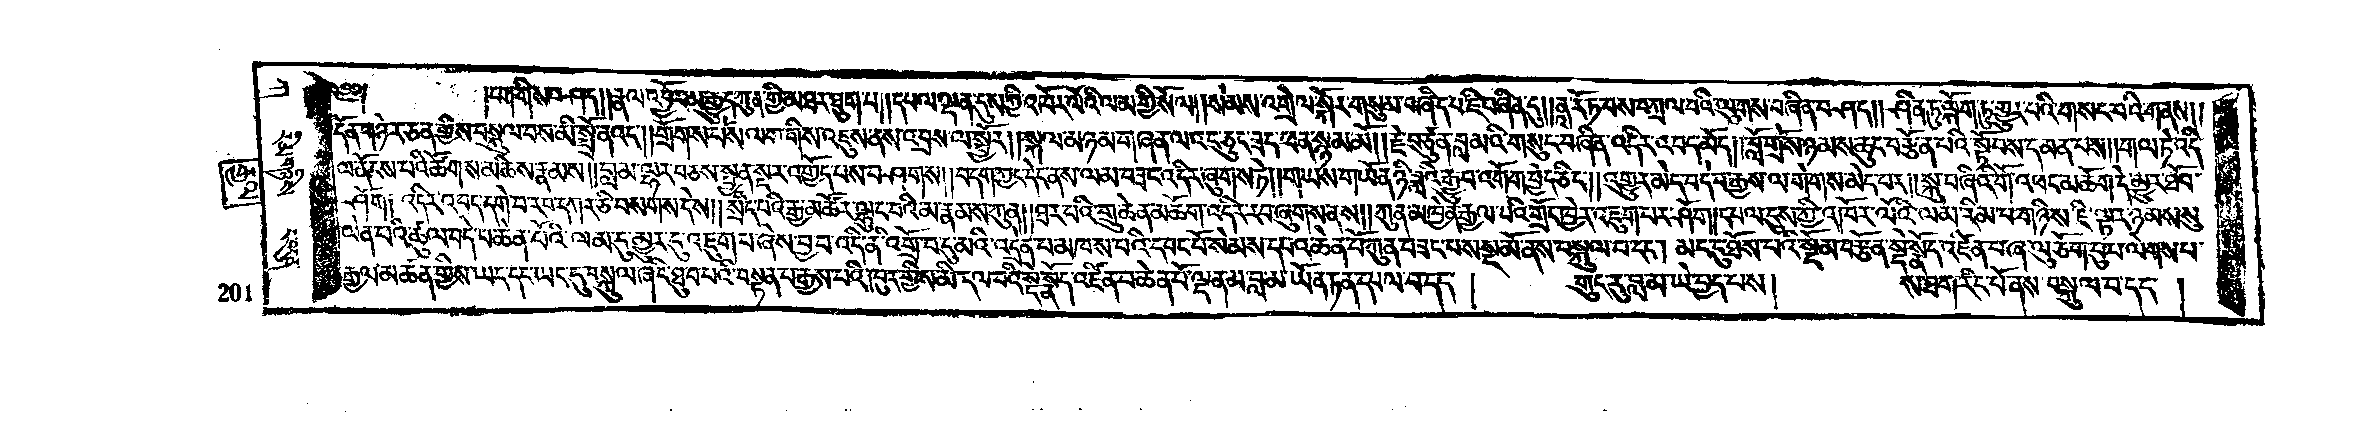༄༅། །ངག་གིས་བཤད། །རྣལ་འབྱོར་མ་རྒྱུད་ཀུན་གྱི་མཐར་ཐུག་པ། །དཔལ་ལྡན་དུས་ཀྱི་འཁོར་ལོའི་ལམ་གྱི་སོལ། །སེམས་འགྲེལ་སྐོར་གསུམ་བཞིན་དུ། །ནཱ་རོ་ཏ་བས་བཀྲལ་བའི་ལུགས་བཞིན་བཤད། །ཤིན་ཏུ་ལྐོག་ཏུ་གྱུར་བའི་གསང་བའི་གནས། །
དོན་གཉེར་ཅན་གྱིས་བསྐུལ་བས་མི་སྤྲོ་ནའང་། །གྲོགས་པོས་ལག་གིས་འཇུས་ནས་འབྲས་ལ་སྦྱོར། །སྐལ་མཉམ་གཞན་ལའང་ཅུང་ཟད་ཕན་སྙམ་མོ། །རྗེ་བཙུན་བླ་མའི་གསུང་བཞིན་འདིར་འབད་མོད། །བློ་གྲོས་ཉམས་ཆུང་བརྩོན་པའི་སྟོབས་དམན་པས། །གལ་ཏེ་འདི་
ལ་ནོངས་པའི་ཚོགས་མཆིས་རྣམས། །བླ་མ་ལྷར་བཅས་སྤྱན་སྔར་འགྱོད་པས་བཤགས། །བདག་ཀྱང་དེང་ནས་ལམ་བཟང་འདིར་ཞུགས་ཏེ། །གཡས་གཡོན་ཉི་ཟླའི་རྒྱུ་བ་འགོག་བྱེད་ཅིང་། །འགྱུར་མེད་བདེ་བ་རྒྱས་ལ་གེགས་མེད་པར། །སྐུ་བཞིའི་གོ་འཕང་མཆོག་དེ་མྱུར་ཐོབ་
ཤོག། འདིར་འབད་དགེ་བ་རབ་དཀར་ཅི་བསགས་དེས། །སྲིད་པའི་རྒྱ་མཚོར་ལྷུང་བའི་མ་རྣམས་ཀུན། །ཐར་པའི་གྲུབ་ཆེན་མཆོག་འདིར་རབ་ཞུགས་ནས། །ཀུན་མཁྱེན་རྒྱལ་བའི་གྲོང་ཁྱེར་འཇུག་པར་ཤོག །དཔལ་དུས་ཀྱི་འཁོར་ལོའི་ལམ་རིམ་པ་གཉིས་ཇི་ལྟར་ཉམས་སུ་
ལེན་པའི་ཚུལ་བདེ་བ་ཆེན་པོའི་ལམ་དུ་མྱུར་དུ་འཇུག་པ་ཞེས་བྱ་བ་འདི་ནི་འགྲོ་བ་དུ་མའི་འདྲེན་པ་མཁས་པའི་དབང་པོ་སེམས་དཔའ་ཆེན་པོ་ཀུན་བཟང་པས་སྔ་མོ་ནས་བསྐུལ་བ་དང་། མང་དུ་ཐོས་པའི་སྡོམ་བརྩོན་སྡེ་སྣོད་འཛིན་པ་ཞ་ལུ་ཅོག་བུ་པ་ལེགས་པ་
རྒྱལ་མཚན་གྱིས་ཡང་དང་ཡང་དུ་བསྐུལ་ཞིང་ཐུབ་པའི་བསྟན་པ་རྒྱས་པའི་ཁུར་གྱིས་མི་དལ་བའི་སྡེ་སྣོད་འཛིན་པ་ཆེན་པོ་ལྡན་མ་བླ་མ་ཡོན་ཏན་དཔལ་བ་དང་། གུང་རུ་བླ་མ་ཡེ་བྱད་པས། ས་ཐག་རིང་པོ་ནས་བསྐུལ་བ་དང་།